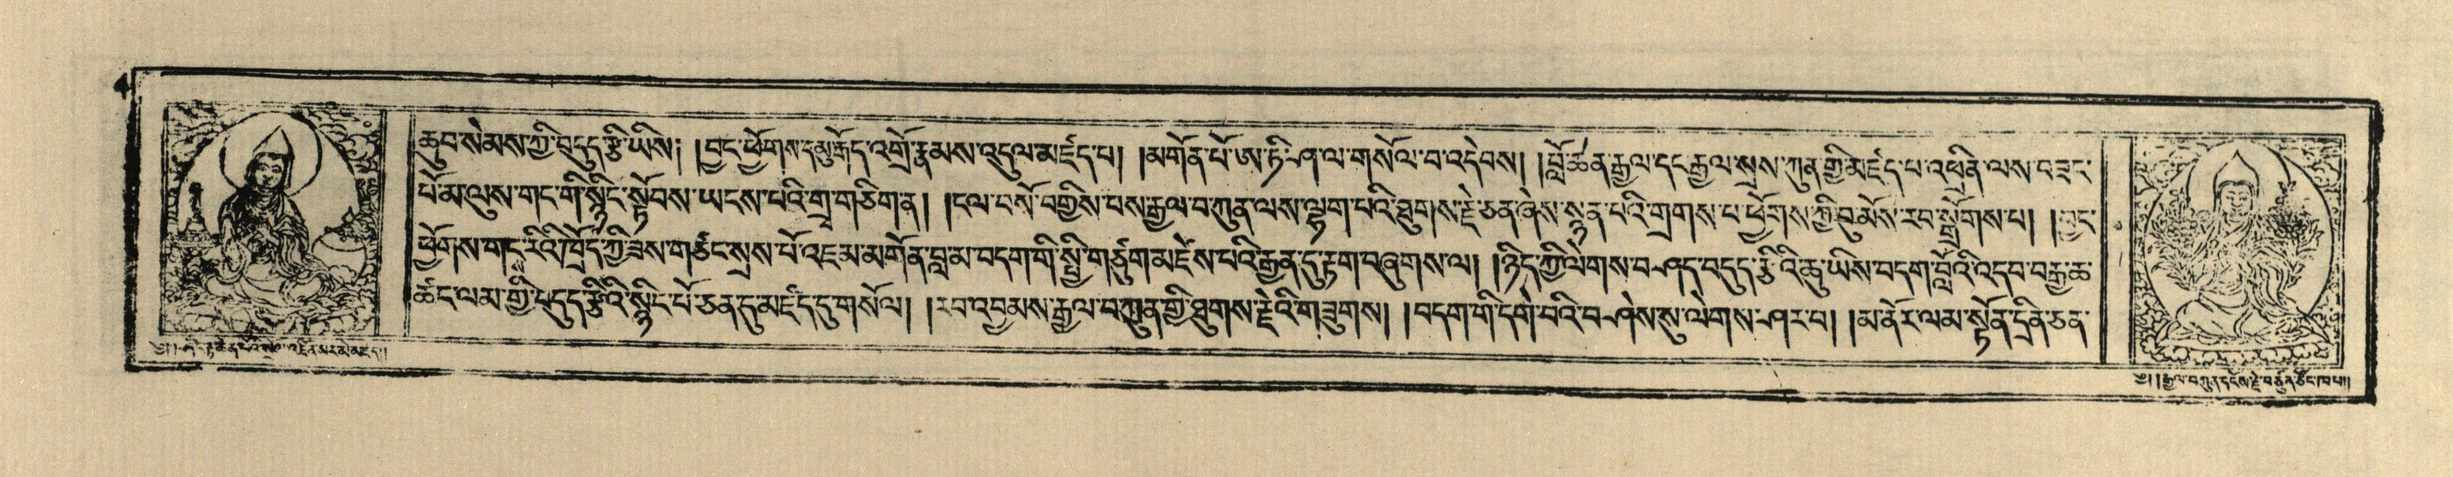ཆུབ་སེམས་ཀྱི་བདུད་རྩི་ཡིས། །བྱང་ཕྱོགས་དམུ་རྒོད་འགྲོ་རྣམས་འདུལ་མཛད་པ། །མགོན་པོ་ཨ་ཏི་ཤ་ལ་གསོལ་བ་འདེབས། །བློ་ཚན་རྒྱལ་དང་རྒྱལ་སྲས་ཀུན་གྱི་མཛད་པ་འཕྲིན་ལས་བཟང་
པོ་མ་ལུས་གང་གི་སྙིང་སྟོབས་ཡངས་པའི་གྲྭ་གཅིག་ན། །ངལ་བསོ་བགྱིས་པས་རྒྱལ་བ་ཀུན་ལས་ལྷག་པའི་ཐུགས་རྗེ་ཅན་ཞེས་སྙན་པའི་གྲགས་པ་ཕྱོགས་ཀྱི་བུ་མོས་རབ་སྒྲོགས་པ། །བྱང་
ཕྱོགས་གང་རིའི་ཁྲོད་ཀྱི་ཟས་གཙང་སྲས་པོ་འཇམ་མགོན་བླ་མ་བདག་གི་སྤྱི་གཙུག་མཛེས་པའི་རྒྱན་དུ་རྟག་བཞུགས་ལ། །ཉིད་ཀྱི་ལེགས་བཤད་བདུད་རྩིའི་ཆུ་ཡིས་བདག་བློའི་འདབ་བརྒྱ་ཆ་
ཚང་ལམ་གྱི་བདུད་རྩིའི་སྙིང་པོ་ཅན་དུ་མཛད་དུ་གསོལ། །རབ་འབྱམས་རྒྱལ་བ་ཀུན་གྱི་ཐུགས་རྗེའི་གཟུགས། །བདག་གི་དགེ་བའི་བཤེས་སུ་ལེགས་ཤར་བ། །མ་ནོར་ལམ་སྟོན་དྲིན་ཅན་